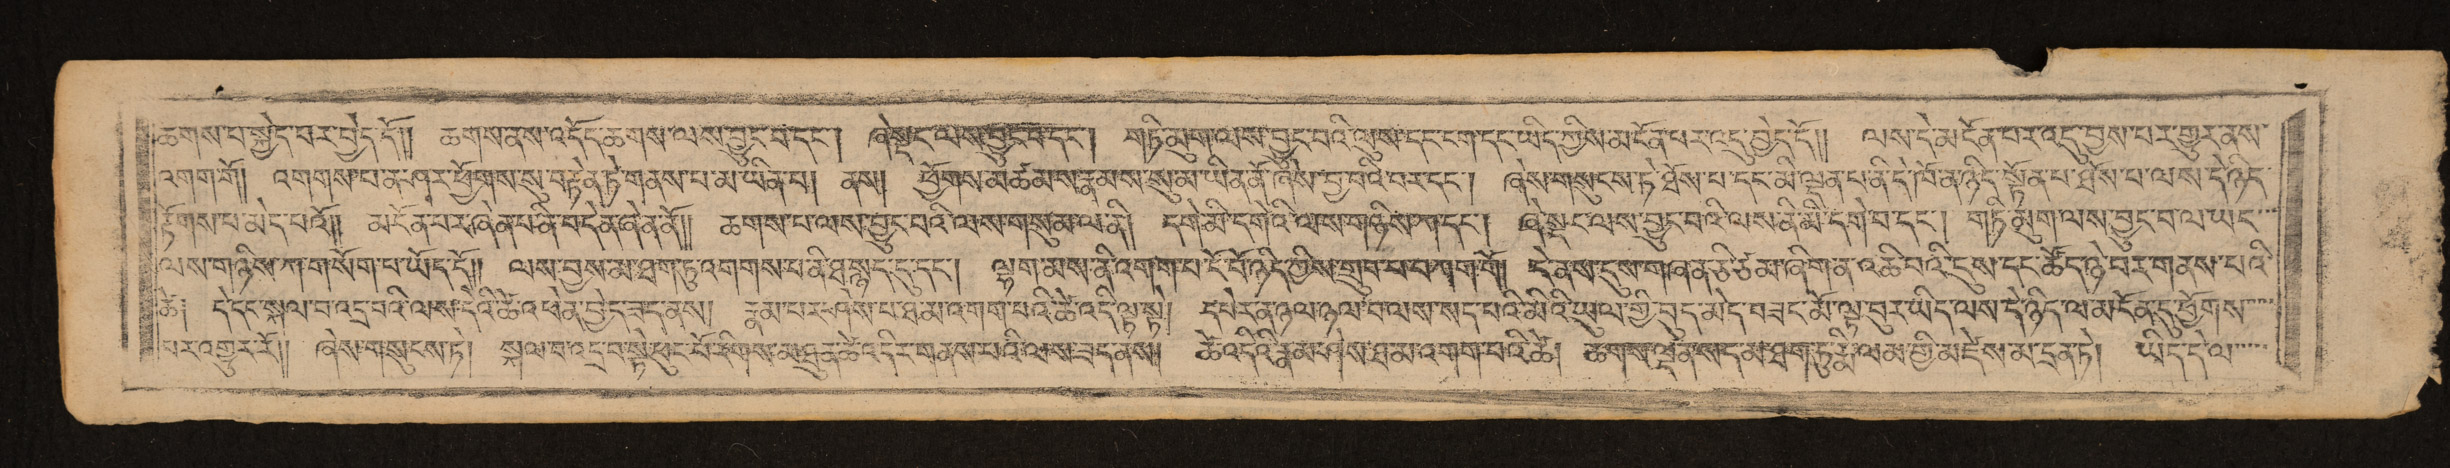ཆགས་པ་སྐྱེད་པར་བྱེད་དོ།། ཆགས་ནས་འདོད་ཆགས་ལས་བྱུང་བ་དང་། ཞེ་སྡང་ལས་བྱུང་བ་དང་། གཏི་མུག་ལས་བྱུང་བའི་ལུས་དང་ངག་དང་ཡིད་ཀྱིས་མངོན་པར་འདུ་བྱེད་དོ།། ལས་དེ་མངོན་པར་འདུ་བྱས་པར་གྱུར་ནས་
འགག་གོ། འགགས་པ་ན་ཤར་ཕྱོགས་སུ་བརྟེན་ཏེ་གནས་པ་མ་ཡིན་པ་ནས། ཕྱོགས་མཚམས་རྣམས་སུ་མ་ཡིན་ནོ་ཞེས་བྱ་བའི་བར་དང་། ཞེས་གསུངས་ཏེ་ཐོས་པ་དང་མི་ལྡན་པ་ནི་དེ་ཁོ་ན་ཉིད་སྟོན་པ་ཐོས་པ་ལས་དེ་ཉིད་
རྟོགས་པ་མེད་པའོ།། མངོན་པར་ཞེན་པ་ནི་བདེན་ཞེན་ནོ།། ཆགས་པ་ལས་བྱུང་བའི་ལས་གསུམ་ལ་ནི། དགེ་མི་དགེའི་ལས་གཉིས་ཀ་དང་། ཞེ་སྡང་ལས་བྱུང་བའི་ལས་ནི་མི་དགེ་བ་དང་། གཏི་མུག་ལས་བྱུང་བ་ལ་ཡང་
ལས་གཉིས་ཀ་གསོག་པ་ཡོད་དོ།། ལས་བྱས་མ་ཐག་ཏུ་འགགས་པ་ནི་ཐ་སྙད་དུ་དང་། ལྷག་མས་ནི་འགག་པ་ངོ་བོ་ཉིད་ཀྱིས་གྲུབ་པ་བཀག་གོ། དེ་ནས་དུས་གཞན་ཅི་ཙམ་ཞིག་ན་འཆི་བའི་དུས་དང་ཚོད་ཉེ་བར་གནས་པའི་
ཚེ། དེ་དང་སྐལ་བ་འདྲ་བའི་ལས་དེའི་ཚེ་འཕེན་བྱེད་ཟད་ནས། རྣམ་པར་ཤེས་པ་ཐ་མ་འགག་པའི་ཚེ་འདི་ལྟ་སྟེ། དཔེར་ན་ཉལ་ཉལ་བ་ལས་སད་པའི་མིའི་ཡུལ་གྱི་བུད་མེད་བཟང་མོ་ལྟ་བུར་ཡིད་ལས་དེ་ཉིད་ལ་མངོན་དུ་ཕྱོགས་
པར་འགྱུར་རོ།། ཞེས་གསུངས་ཏེ། སྐལ་པ་འདྲ་བ་སྟེ་ཕུང་པོ་རིགས་མཐུན་ཚེ་འདིར་གནས་པའི་ལས་ཟད་ནས། ཚེ་འདིའི་རྣམ་ཤེས་ཐ་མ་འགག་པའི་ཚེ། ཆགས་ལྡན་སད་མ་ཐག་ཏུ་རྨི་ལམ་གྱི་མཛེས་མ་དྲན་ཏེ། ཡིད་དེ་ལ་